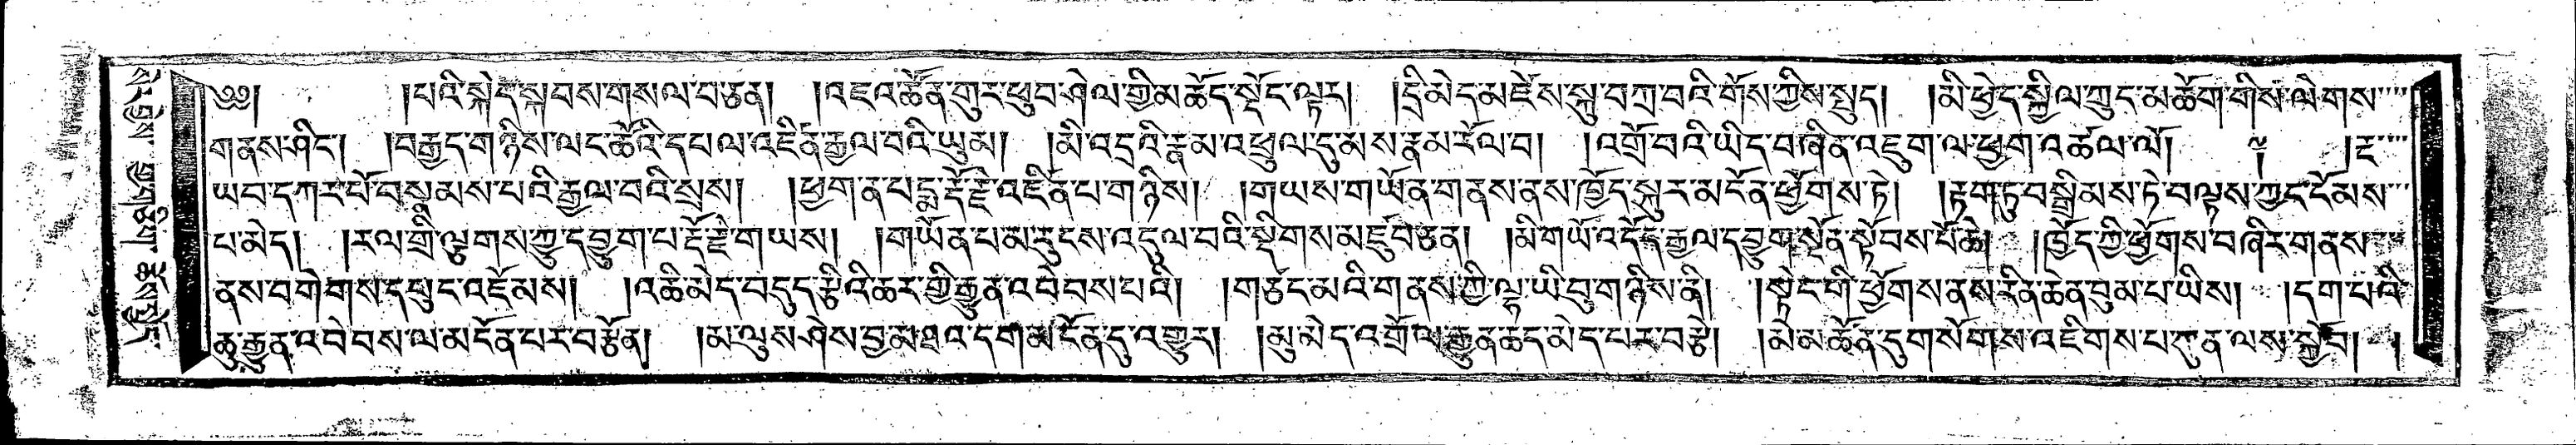༄༅། །པའི་སྐེད་སྐབས་གསལ་བ་ཅན། །འཇའ་ཚོན་གུར་ཕུབ་ཤེལ་གྱི་མཆོད་སྡོང་ལྟར། །དྲི་མེད་མཛེས་སྐུ་བཀྲ་བའི་གོས་ཀྱིས་སྤུད། །མི་ཕྱེད་སྐྱིལ་ཀྲུང་མཆོག་གིས་ལེགས་
གནས་ཤིང་། །བརྒྱད་གཉིས་ལང་ཚོའི་དཔལ་འཛིན་རྒྱལ་བའི་ཡུམ། །མི་འདྲའི་རྣམ་འཕྲུལ་དུ་མས་རྣམ་རོལ་བ། །འགྲོ་བའི་ཡིད་བཞིན་འཇུག་ལ་ཕྱག་འཚལ་ལོ། ༈ །རྔ་
ཡབ་དཀར་པོ་བསྣམས་པའི་རྒྱལ་བའི་སྲས། །ཕྱག་ན་པདམ་རྡོ་རྗེ་འཛིན་པ་གཉིས། །གཡས་གཡོན་གནས་ནས་ཁྱོད་སྐུར་མངོན་ཕྱོགས་ཏེ། །རྟག་ཏུ་བསྒྲིམས་ཏེ་བལྟས་ཀྱང་ངོམས་
པ་མེད། །རལ་གྲི་ལྕགས་ཀྱུ་དབྱུག་པ་རྡོ་རྗེ་གཡས། །གཡོན་པ་མ་རུངས་འདུལ་བའི་སྡིགས་མཛུབ་ཅན། །མི་གཡོ་འདོད་རྒྱལ་དབྱུག་སྔོན་སྟོབས་པོ་ཆེ། །ཁྱོད་ཀྱི་ཕྱོགས་བཞིར་གནས་
ནས་བགེགས་དཔུང་འཇོམས། །འཆི་མེད་བདུད་རྩིའི་ཆར་གྱི་རྒྱུན་འབེབས་པའི། །གཙང་མའི་གནས་ཀྱི་ལྷ་ཡི་བུ་གཉིས་ནི། །སྟེང་གི་ཕྱོགས་ནས་རིན་ཆེན་བུམ་པ་ཡིས། །དག་པའི་
ཆུ་རྒྱུན་འབེབས་ལ་མངོན་པར་བརྩོན། །མ་ལུས་ཤེས་བྱ་མཐའ་དག་མངོན་དུ་འགྱུར། །མུ་མེད་འགྲོ་ལ་རྒྱུན་ཆད་མེད་པར་བརྩེ། །མི་མཚོན་དུག་སོགས་འཇིགས་པ་ཀུན་ལས་སྐྱོབ། །